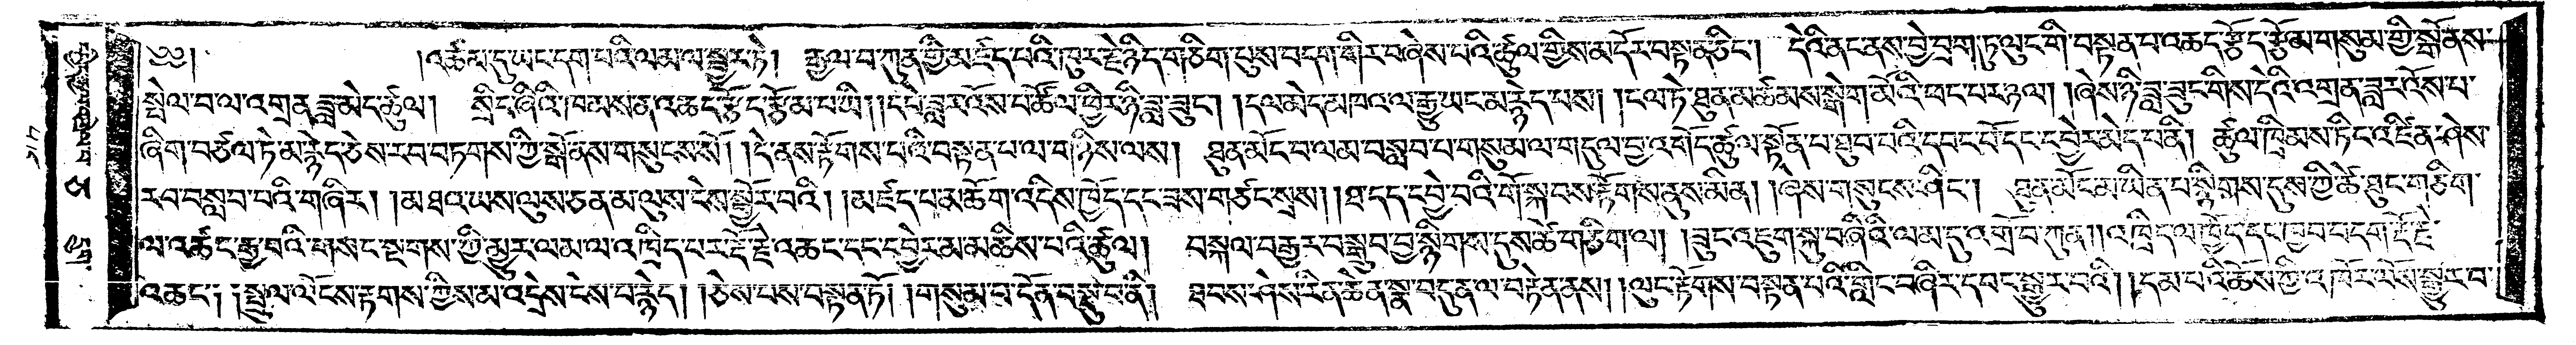༄༅། །འཚམ་དུ་ཡང་དག་པའི་ལམ་ལ་སྦྱར་ཏེ། རྒྱལ་བ་ཀུན་གྱི་མཛད་པའི་ཁུར་རྗེ་ཉིད་གཅིག་པུས་བདག་གིར་བཞེས་པའི་ཚུལ་གྱི་མདོར་བསྟན་ཅིང་། དེའི་ནང་ནས་བྱེ་བྲག་ཏུ་ལུང་གི་བསྟན་པ་འཆད་རྩོད་རྩོམ་གསུམ་གྱི་སྒོ་ནས་
སྤེལ་བ་ལ་འགྲན་ཟླ་མེད་ཚུལ། སྲིང་ཞིའི་ཁམས་ན་འཆད་རྩོད་རྩོམ་པ་ཡི། །དཔེ་ཟླར་འོས་བ་ཚོལ་ཕྱིར་ཉི་ཟླ་ཟུང་། །དལ་མེད་མཁའ་ལ་རྒྱུ་ཡང་མ་རྙེད་པས། །ངལ་ཏེ་ཐུན་མཚམས་སྒེག་མོའི་ཕང་པར་ཉལ། །ཞེས་ཉི་ཟླ་ཟུང་གིས་དེའི་འགྲན་ཟླ་འོས་པ་
ཞིག་བཙལ་ཏེ་མ་རྙེད་ཅེས་རབ་བཏགས་ཀྱི་སྒོ་ནས་གསུངས་སོ། །དེ་ནས་རྟོགས་པའི་བསྟན་པ་ལ་གཉིས་ལས། ཐུན་མོང་བ་ལམ་བསླབ་པ་གསུམ་ལ་གདུལ་བྱ་འགོད་ཚུལ་སྟོན་པ་ཐུབ་པའི་དབང་པོ་དང་དབྱེར་མེད་པ་ནི། ཚུལ་ཁྲིམས་ཏིང་འཛིན་ཤེས་
རབ་བསླབ་པའི་གཞིར། །མཐའ་ཡས་ལུས་ཅན་མ་ལུས་ངེས་སྦྱོར་བའི། །མཛད་པ་མཆོག་འདིས་ཁྱོད་དང་ཟས་གཙང་སྲས། །ཐ་དད་དབྱེ་བའི་གོ་སྐབས་རྟོགས་ནུས་མིན། །ཞེས་གསུངས་ཤིང་། ཐུན་མོང་མ་ཡིན་པ་སྙིགས་དུས་ཀྱི་ཚེ་ཐུང་གཅིག་
ལ་འཚང་རྒྱ་བའི་གསང་སྔགས་ཀྱི་མྱུར་ལམ་ལ་འཁྲིད་པར་རྡོ་རྗེ་འཆང་དང་དབྱེར་མ་མཆིས་བའི་ཚུལ། བསྐལ་བརྒྱར་བསྒྲུབ་བྱ་སྙིགས་དུས་ཚེ་གཅིག་ལ། །ཟུང་འཇུག་སྐུ་བཞིའི་ལམ་དུ་འགྲོ་བ་ཀུན། །འཁྲིད་ལ་ཁྱོད་དང་ཁྱབ་བདག་རྡོ་རྗེ་
འཆང༑ ༑སྤྲུལ་ལོངས་རྟགས་ཀྱིས་མ་འདྲེས་ངེས་བ་རྙེད། །ཅེས་པས་བསྟན་ཏོ། །གསུམ་བ་དོན་བསྡུ་བ་ནི། ཐབས་ཤེས་རིན་ཆེན་སྣ་བདུན་ལ་བརྟེན་ནས། །ལུང་རྟོགས་བསྟན་པའི་གླིང་བཞིར་དབང་སྒྱུར་བའི། །དམ་པའི་ཆོས་ཀྱི་འཁོར་ལོས་སྒྱུར་བ་